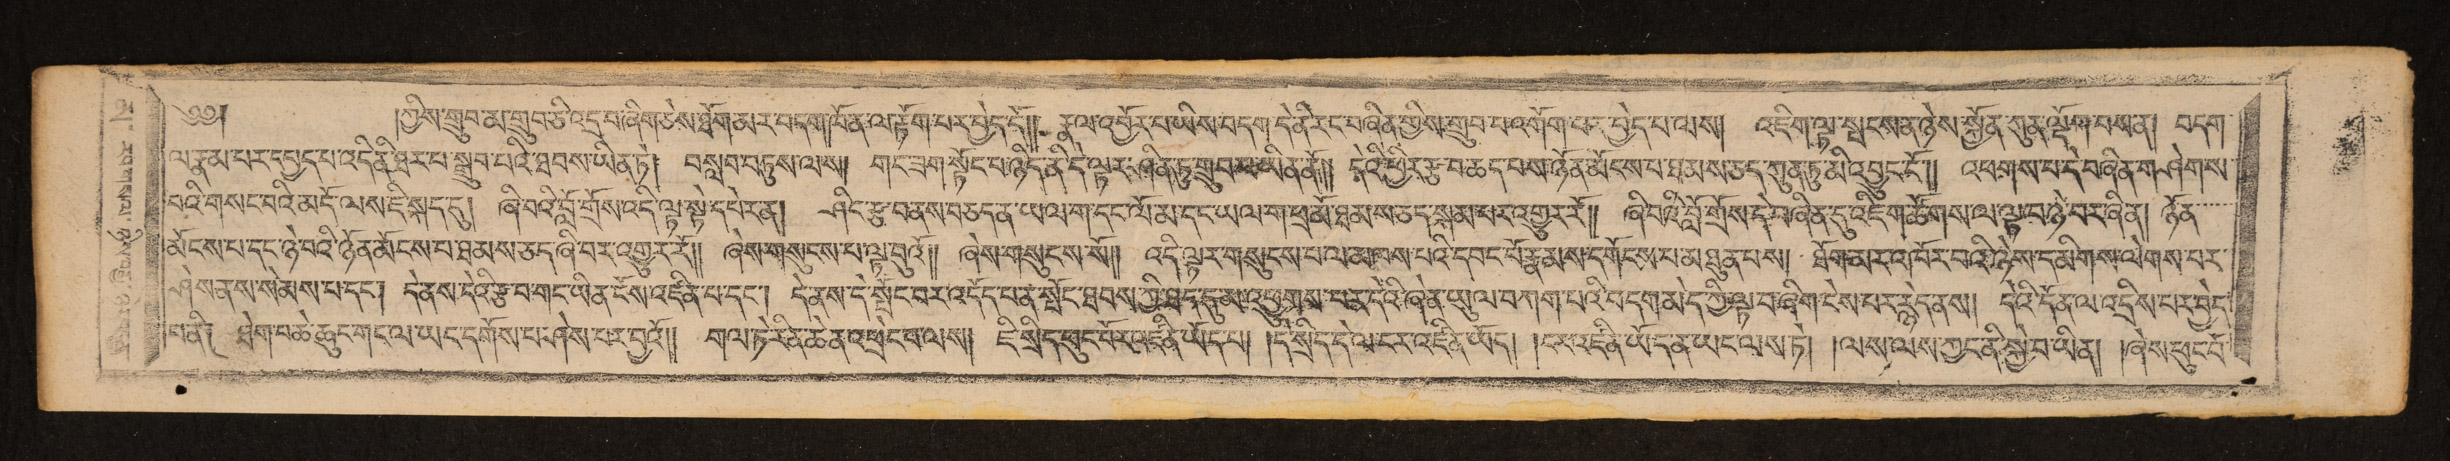༄༅། །ཀྱིས་གྲུབ་མ་གྲུབ་ཅི་འདྲ་བ་ཞིག་ཅེས་ཐོག་མར་བདག་ཁོ་ན་ལ་རྟོག་པར་བྱེད་དོ།། རྣལ་འབྱོར་པ་ཡིས་བདག་དེ་ནི་རང་བཞིན་གྱིས་གྲུབ་པ་འགོག་པར་བྱེད་པ་ལས། འཇིག་ལྟ་སྤངས་ན་ཉེས་སྐྱོན་ཀུན་ལྡོག་པས་ན། བདག་
ལ་རྣམ་པར་དཔྱད་པ་འདི་ནི་ཐར་པ་སྒྲུབ་པའི་ཐབས་ཡིན་ཏེ། བསླབ་བཏུས་ལས། གང་ཟག་སྟོང་པ་ཉིད་ནི་དེ་ལྟར་ཤིན་ཏུ་གྲུབ་པ་ཡིན་ནོ།། དེའི་ཕྱིར་རྩ་བ་ཆད་པས་ཉོན་མོངས་པ་ཐམས་ཅད་ཀུན་ཏུ་མི་འབྱུང་ངོ།། འཕགས་པ་དེ་བཞིན་གཤེགས་
པའི་གསང་བའི་མདོ་ལས་ཇི་སྐད་དུ། ཞི་བའི་བློ་གྲོས་འདི་ལྟ་སྟེ་དཔེར་ན། ཤིང་རྩ་བ་ནས་བཅད་ན་ཡལ་ག་དང་ལོ་མ་དང་ཡལ་ག་ཕྲ་མོ་ཐམས་ཅད་སྐམ་པར་འགྱུར་རོ།། ཞི་བའི་བློ་གྲོས་དེ་བཞིན་དུ་འཇིག་ཚོགས་ལ་ལྟ་བ་ཉེ་བར་ཞི་ན། ཉོན་
མོངས་པ་དང་ཉེ་བའི་ཉོན་མོངས་པ་ཐམས་ཅད་ཞི་བར་འགྱུར་རོ།། ཞེས་གསུངས་པ་ལྟ་བུའོ།། ཞེས་གསུངས་སོ།། འདི་ལྟར་གསུངས་པ་ལ་མཁས་པའི་དབང་པོ་རྣམས་དགོངས་པ་མཐུན་པས། ཐོག་མར་འཁོར་བའི་ཉེས་དམིགས་ལེགས་པར་
ཤེས་ནས་སེམས་པ་དང་། དེ་ནས་དེའི་རྩ་བ་གང་ཡིན་ངོས་འཛིན་པ་དང་། དེ་ནས་དེ་སྤོང་བར་འདོད་པ་ན་སྤོང་ཐབས་ཀྱི་ཐད་དུ་མ་འཕྱུགས་པར་དེའི་ཞེན་ཡུལ་བཀག་པའི་བདག་མེད་ཀྱི་ལྟ་བ་ཞིག་ངེས་པར་རྙེད་ནས། དེའི་དོན་ལ་འདྲིས་པར་བྱེད་
པ་ནི༑ ཐེག་པ་ཆེ་ཆུང་གང་ལ་ཡང་དགོས་པ་ཤེས་པར་བྱའོ།། གལ་ཏེ་རིན་ཆེན་འཕྲེང་བ་ལས། ཇི་སྲིད་ཕུང་པོར་འཛིན་ཡོད་པ། །དེ་སྲིད་དེ་ལ་ངར་འཛིན་ཡོད། །ངར་འཛིན་ཡོད་ན་ཡང་ལས་ཏེ། །ལས་ལས་ཀྱང་ནི་སྐྱེ་བ་ཡིན། །ཞེས་ཕུང་པོ་